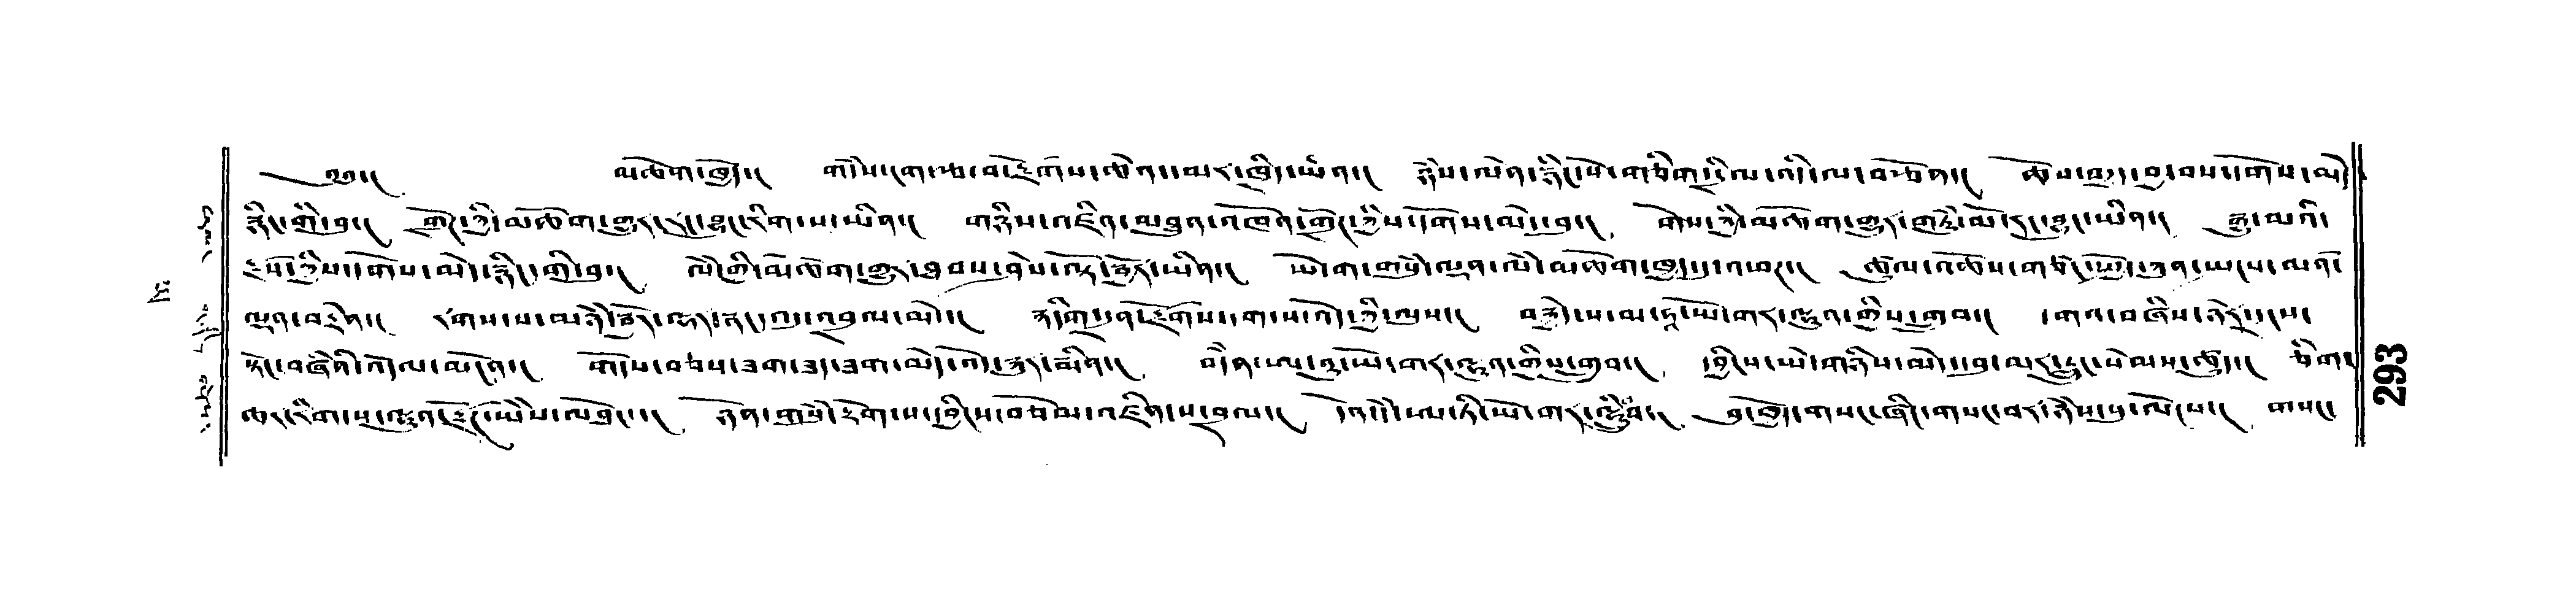མཆོག་ཁྱོད། །གདམས་ངག་རྩ་བ་རྫོགས་ཆེན་དམར་ཁྲིད་ཡིན། །ཉམས་ལེན་སྙིང་པོ་གཅིག་དྲིལ་འདི་ལ་བརྩོན། །ཆོས་བརྒྱད་བྱ་བས་དགོས་མེད་
སྙིང་གི་བུ། །གྲོགས་ཀྱི་མཆོག་གྱུར་རང་བྱུང་རིག་པ་ཡིན། །གཉིས་འཛིན་མཐུན་འཁོན་གྲོགས་ཀྱིས་དགོས་མེད་བུ། །གོས་ཀྱི་མཆོག་གྱུར་གཏུམ་མོ་རང་བྱུང་ཡིན། །སྒྱུ་མའི་
རྫས་ཀྱིས་དགོས་མེད་སྙིང་གི་བུ། །ལམ་གྱི་མཆོག་གྱུར་ཐབས་ཤེས་ལྟོ་སྦྱོར་ཡིན། །ཡོ་ག་གསུམ་ལྡན་ལམ་མཆོག་ཁྱད་དུ་འཕགས། །ཚུལ་འཆོས་གཙང་སྤྱོད་ཀུན་སྤངས་མཚན་
ལྡན་བསྟེན། །རགས་པ་མཉམ་སྦྱོར་ལྷར་སྣང་འདུ་འབྲལ་མེད། །སྐད་ཅིག་དྲན་རྫོགས་དག་པ་འོད་ཀྱི་ལུས། །བསྐྱེད་པ་མ་ཧཱ་ཡོ་གར་ལྷུན་གྱིས་གྲུབ། །དགའ་བཞིས་ཉེར་དྲངས་
སྟོང་བཞིའྀ་འོད་གསལ་མངོན། །གདོས་བཅས་ཟག་ཟད་ཟག་མེད་འོད་སྐུར་སྨིན། །བདེ་ཆེན་ཨ་ནུ་ཡོ་གར་ལྷུན་གྱིས་གྲུབ། །དབྱིངས་ཡེ་གཉིས་མེད་དབུ་མར་རླུང་སེམས་ཚུད། །ཅིག་
ཆར་རིག་པ་ལྷུན་རྫོགས་ཡེ་ཤེས་མཐོང་། །ཉོན་གསུམ་རྟོག་པ་དབྱིངས་བཅོམ་འཛིན་པ་བྲལ། །དོན་དམ་ཨ་ཏི་ཡོ་གར་ལྷུན་གྱིས་གྲུབ། །བུ་ཁྱོད་གསང་ཞིང་།གསང་བར་ཉམས་སུ་ལོངས། གསང་